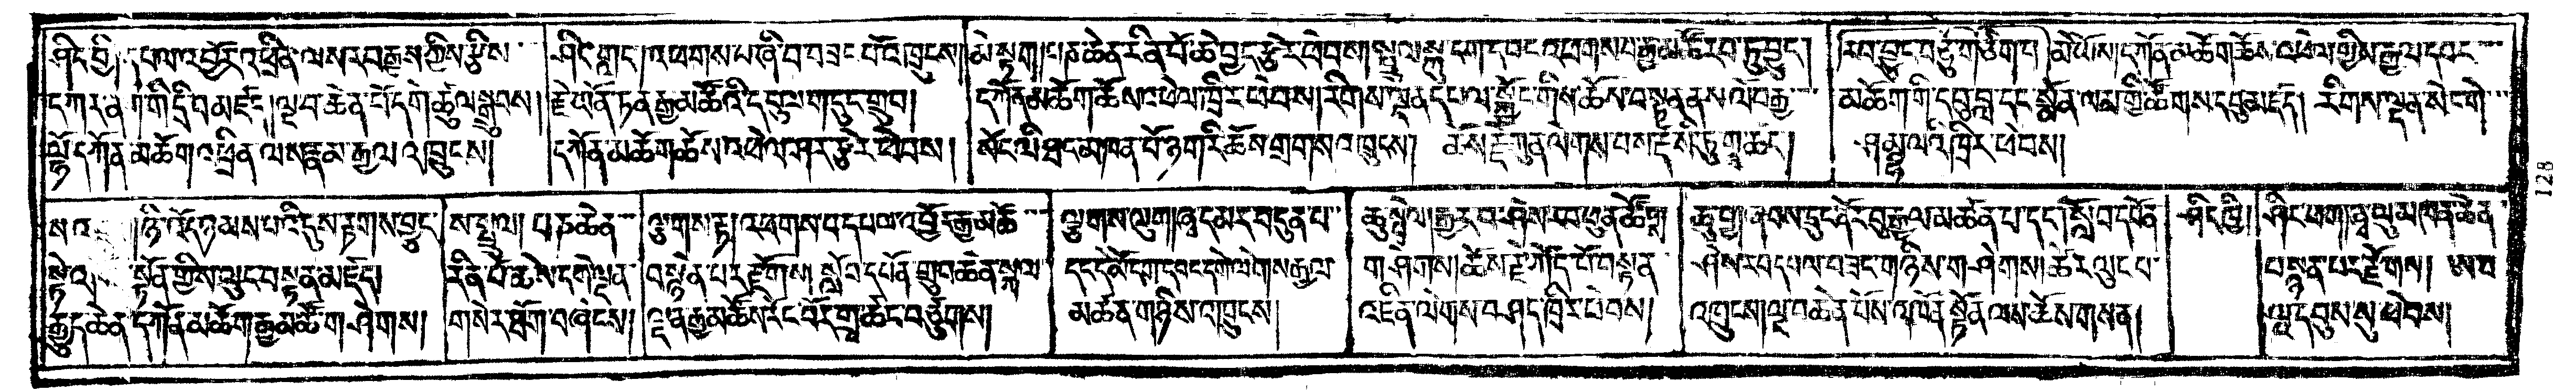ཤིང་བྱི། དཔལ་འབྱོར་འཕྲིན་ལས་རབ་བརྒྱས་ཀྱིས་རྩིས་ཤིང་གླང་། འཕགས་པ་བཞི་བཟང་པོ་འཁྲུགས། མེ་སྟག །པཎ་ཆེན་རིན་པོ་ཆེ་བྱང་རྩེར་ཕེབས། སྤྲུལ་སྐུ་དག་དབང་འཕགས་པ་རྒྱ་མཚོ་རབ་ཏུ་བྱུང་། རབ་བྱུང་བཅུ་གཅིག་པ། མེ་ཡོས། དཀོན་མཆོག་ཆོས་འཕེལ་གྱིས་རྒྱལ་དབང་
དཀར་ན། གི་དྲི་བ་མཛད། ལྔ་བ་ཆེན་པོ་དགེ་ཚུལ་གྲུབས། རྗེ་ཡོན་ཏན་རྒྱ་མཚོའི་དབུལ་གདུང་གྲུབ། དཀོན་མཆོག་ཆོས་འཕེལ་ཁྲིར་ཕེབས། རིགས་ལྡན་དང་ལ་སྐྱོང་གི་ཆོས་བསྟན་ནས་ལོ་བརྒྱ་མཆོག་གི་དབུ་བླ་དང་སྨོན་ལམ་གྱི་ཚོགས་དབུ་མཛད། རིགས་ལྡན་སེང་གེ་
ལྷོ་དཀོན་མཆོག་འཕྲིན་ལས་རྣམ་རྒྱལ་འཁྲུངས། །དཀོན་མཆོག་ཆོས་འཕེལ་ཤར་རྩེར་ཕེབས། །སོང་ལི་ཐང་མཁན་པོ་ཉག་རི་ཆོས་གྲགས་འཁྲུངས། ཆོས་རྗེ་ཀུན་ལེགས་པས་རྡོ་སི་ཏུགས་ཚང་། ཤམྦྷ་ལའི་ཁྲིར་ཕེབས།
སའ?། ཉི་འོད་ཉམས་པའི་དུས་རྟགས་བྱུང་ས་སྤྲུལ། པཎ་ཆེན་ལྕགས་རྟ། འཕགས་པ་དཔལ་འབྱོར་རྒྱ་མཚོ་ལྕགས་ལུག། ཞྭ་དམར་བདུན་པ་ཆུ་སྤྲེལ། རྒྱར་བ་ཤེས་རབ་ཕུན་ཚོགས་ཆུ་བྱ། ཞབས་དྲུང་ནོར་བུ་རྒྱལ་མཚན་པ་དང་། སློབ་དཔོན་ཤིང་ཁྱི། ཤིང་ཕག །ཞྭ་ལུ་མཁན་ཆེན་
སྟེ་འ?། སྟོན་གྱིས་ལུང་བསྟན་མཛོད། རིན་པོ་ཆེས་དགེ་ལྡན་བསྙེན་པར་རྫོགས། །སློབ་དཔོན་གྲུབ་ཆེན་སྐལ་དང་དེ་མོ་དག་དབང་དགེ་ལེགས་རྒྱལ་གཤེགས། ཆོས་རྗེ་ཀོད་པོ་བསྟན་ཤེས་རབ་དཔལ་བཟང་གཉིས་གཤེགས་ཚེ་ལུང་བ་བསྙན་པར་རྫོགས། ཨ་བ་
རྒྱུད་ཆེན་དཀོན་མཆོག་རྒྱ་མཚོ་གཤེགས། གསེར་ཐོག་བཞེངས། ལྡན་རྒྱ་མཚོས་རོང་བོར་གྲྭ་ཚང་བཙུགས། མཚན་ཉིད་འཁྲུངས། འཇིན་ལེགས་བཤད་ཁྲིར་ཕེབས། འཁྲུངས། ལྔ་བ་ཆེན་པོས་འཁོན་སྟོན་ལས་ཆོས་གསན། ལཱ་དབུས་སུ་ཕེབས།